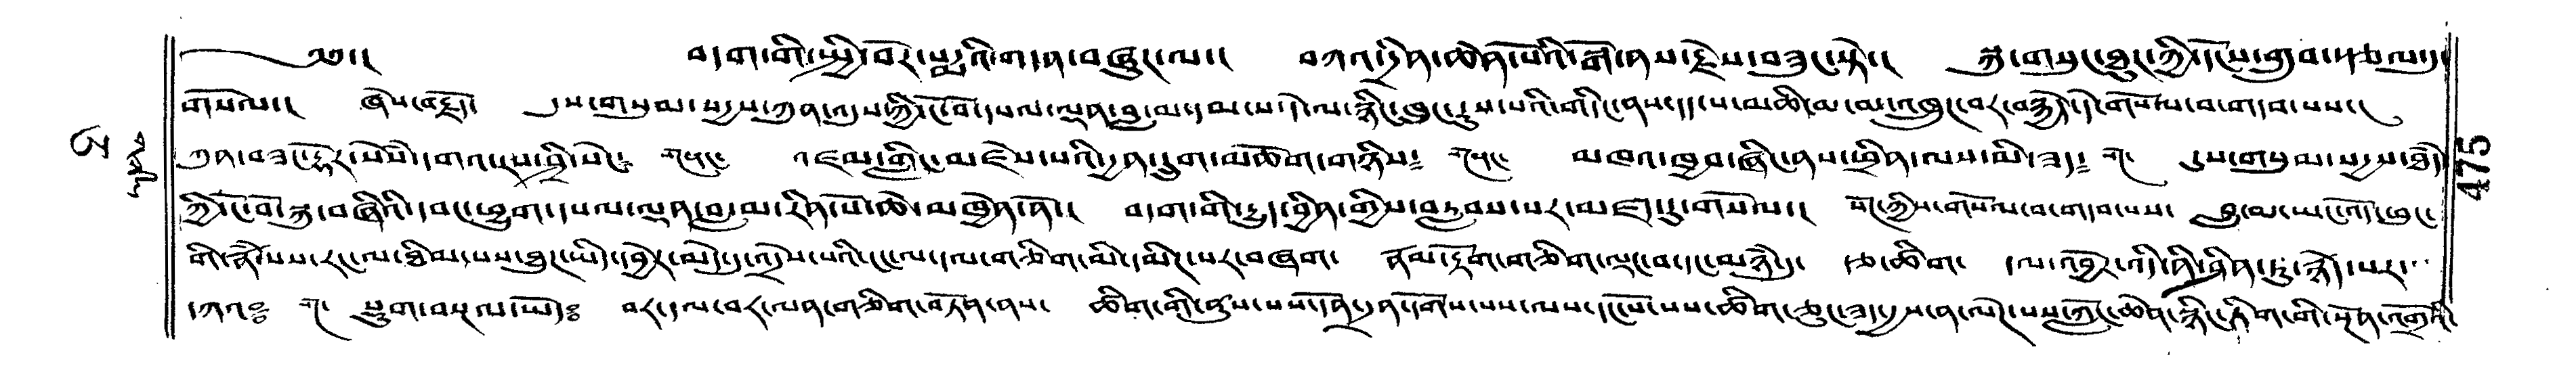།བདག་གི་སྤྱི་བོར་པདྨའི་གདན་བཞུགས་ལ། །བཀའ་དྲིན་ཆེན་པོའི་སྒོ་ནས་རྗེས་བཟུང་སྟེ། །སྐུ་གསུང་ཐུགས་ཀྱི་དངོས་གྲུབ་བསྩལ་དུ་
གསོལ། ཞེས་བརྗོད། དུས་གསུམ་སངས་རྒྱས་ཀུན་འདུས་ཀྱི་ངོ་བོ་དཔལ་ལྡན་བླ་མ་དམ་པ་དེ་ལ་སྙིང་ཁུང་རུས་པའི་གཏིང་ནས་དད་པ་མཆི་མ་མ་འཁྲུགས་བར་བསྐྱེད་དེ་གསོལ་བ་གདབ་པས། 
ཀུན་བཟང་རྡོར་སེམས་དགའ་རབ་ཤྲཱི་སེང༴ སོགས་དང་། འཛམ་གླིང་མཛེས་པའི་རྒྱན་དྲུག་མཆོག་གཉིས༴ སོགས་དང་། མཁའ་ཁྱབ་ཞིང་ནས་ཕྲིན་ལས་མི་ཟད༴ སོགས། དུས་གསུམ་སངས་རྒྱས་ཐམས་ཅད་
ཀྱི་ངོ་བོ་སྐུ་བཞིའི་དབང་ཕྱུག་དཔལ་ལྡན་བླ་མ་རིན་པོ་ཆེ་མཁྱེན་ནོ། བདག་གི་རྒྱུད་བྱིན་གྱིས་བརླབ་པར་མཛད་དུ་གསོལ༴ སོགས་ཀྱིས་གསོལ་བ་གདབ་པས། བླ་མ་ཡང་འོད་ཕུང་
གི་རྣམ་པས་རང་ལ་ཐིམ་པས་ཐུགས་ཡིད་དབྱེར་མེད་དུ་འདྲེས་པའི་ངང་ལ་དལ་གཅིག་མི་དམིགས་པར་གཞག རྣམ་རྟོག་གཅིག་ལྡང་བ་དང་མཉམ་དུ། རྩ་ཚིག དལ་འབྱོར་འདི་ནི་ཤིན་ཏུ་རྙེད་པར་
དཀའ༔ སོགས། སྡུག་བསྔལ་ཡོད༔ བར་དལ་བར་ལན་གཅིག་བཏོན་ནས། ཚིག་གི་ནུས་པས་དོན་དྲན་དགོས་པས་ལས་དང་པོ་པས་ཚིག་ཅུང་ཟད་རྒྱས་ན་ལེགས་པས་ཀློང་ཆེན་སྙིང་ཏིག་གི་སྔོན་འགྲོའི་